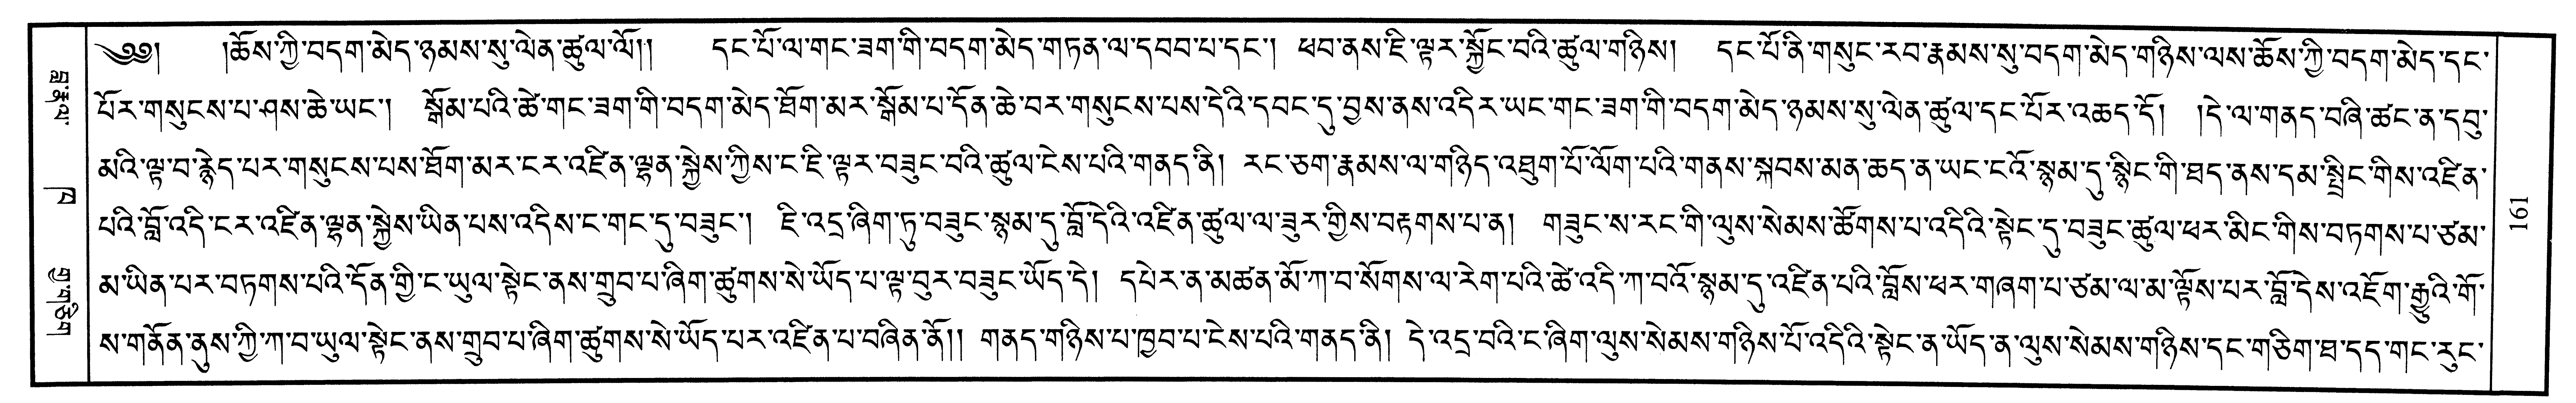༄༅། །ཆོས་ཀྱི་བདག་མེད་ཉམས་སུ་ལེན་ཚུལ་ལོ།། དང་པོ་ལ་གང་ཟག་གི་བདག་མེད་གཏན་ལ་དབབ་པ་དང་། ཕབ་ནས་ཇི་ལྟར་སྐྱོང་བའི་ཚུལ་གཉིས། དང་པོ་ནི་གསུང་རབ་རྣམས་སུ་བདག་མེད་གཉིས་ལས་ཆོས་ཀྱི་བདག་མེད་དང་
པོར་གསུངས་པ་ཤས་ཆེ་ཡང་། སྒོམ་པའི་ཚེ་གང་ཟག་གི་བདག་མེད་ཐོག་མར་སྒོམ་པ་དོན་ཆེ་བར་གསུངས་པས་དེའི་དབང་དུ་བྱས་ནས་འདིར་ཡང་གང་ཟག་གི་བདག་མེད་ཉམས་སུ་ལེན་ཚུལ་དང་པོར་འཆད་དོ། །དེ་ལ་གནད་བཞི་ཚང་ན་དབུ་
མའི་ལྟ་བ་རྙེད་པར་གསུངས་པས་ཐོག་མར་ངར་འཛིན་ལྷན་སྐྱེས་ཀྱིས་ང་ཇི་ལྟར་བཟུང་བའི་ཚུལ་ངེས་པའི་གནད་ནི། རང་ཅག་རྣམས་ལ་གཉིད་འཐུག་པོ་ལོག་པའི་གནས་སྐབས་མན་ཆད་ན་ཡང་ངའོ་སྙམ་དུ་སྙིང་གི་ཐད་ནས་དམ་སྤྲིང་གིས་འཛིན་
པའི་བློ་འདི་ངར་འཛིན་ལྷན་སྐྱེས་ཡིན་པས་འདིས་ང་གང་དུ་བཟུང་། ཇི་འདྲ་ཞིག་ཏུ་བཟུང་སྙམ་དུ་བློ་དེའི་འཛིན་ཚུལ་ལ་ཟུར་གྱིས་བརྟགས་པ་ན། གཟུང་ས་རང་གི་ལུས་སེམས་ཚོགས་པ་འདིའི་སྟེང་དུ་བཟུང་ཚུལ་ཕར་མིང་གིས་བཏགས་པ་ཙམ་
མ་ཡིན་པར་བཏགས་པའི་དོན་གྱི་ང་ཡུལ་སྟེང་ནས་གྲུབ་པ་ཞིག་ཚུགས་སེ་ཡོད་པ་ལྟ་བུར་བཟུང་ཡོད་དེ། དཔེར་ན་མཚན་མོ་ཀ་བ་སོགས་ལ་རེག་པའི་ཚེ་འདི་ཀ་བའོ་སྙམ་དུ་འཛིན་པའི་བློས་ཕར་གཞག་པ་ཙམ་ལ་མ་ལྟོས་པར་བློ་དེས་འཇོག་རྒྱུའི་གོ་
ས་གནོན་ནུས་ཀྱི་ཀ་བ་ཡུལ་སྟེང་ནས་གྲུབ་པ་ཞིག་ཚུགས་སེ་ཡོད་པར་འཛིན་པ་བཞིན་ནོ།། གནད་གཉིས་པ་ཁྱབ་པ་ངེས་པའི་གནད་ནི། དེ་འདྲ་བའི་ང་ཞིག་ལུས་སེམས་གཉིས་པོ་འདིའི་སྟེང་ན་ཡོད་ན་ལུས་སེམས་གཉིས་དང་གཅིག་ཐ་དད་གང་རུང་